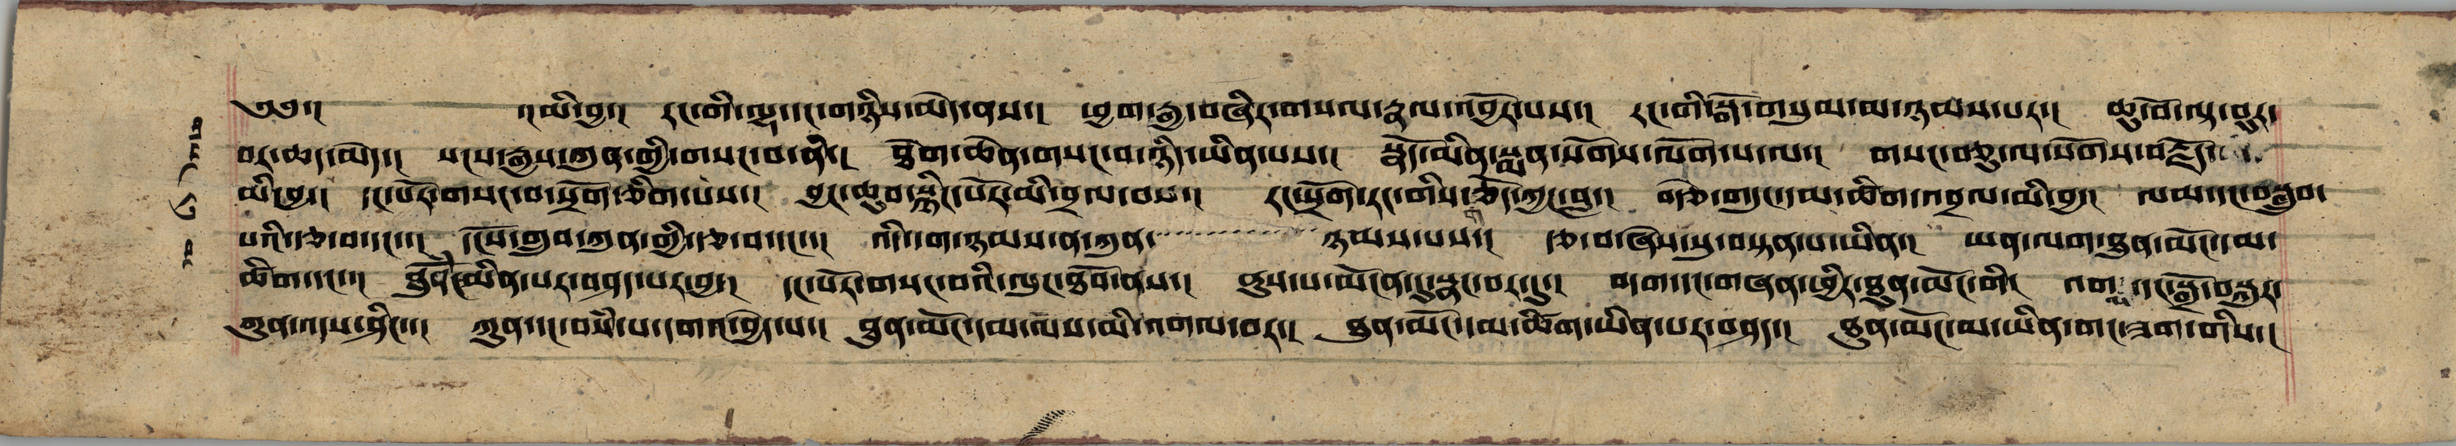༄༅་། ་།མི་བྱ་། རང་གི་ལྷ་དང་གཉིས་མེད་ནས་། ཕྱག་རྒྱ་བཞིར་གསལ་རྣལ་འབྱོར་པས་། རང་གི་སྒོ་གསུམ་མ་ཉམས་པར་། ཆུ་བོ་ལྟ་བུར་
བར་ཆད་མེད་། སངས་རྒྱས་ཀུན་གྱི་གསང་བ་ནི་། ཐེག་ཆེན་གསང་བ་ཉིད་ཡིན་པས་། སྣོད་མིན་སྨན་སོགས་ལོག་པ་ལ་། གསང་བཅུ་ལ་སོགས་བརྗོད་
མི་བྱ་། དང་པོར་གསང་བ་སྲོག་ཅིག་པས་། བྱང་ཆུབ་སྙིང་པོར་མི་བྲལ་བས་། རང་སྲོག་རང་གིས་གཅོད་ཀྱང་བླ་། བརྩེ་གདུང་དམ་ཚིག་འབྲལ་མི་བྱ་། ལམ་དང་བསྒྲུབ་
པའི་རྩ་བ་དང་་། དངོས་གྲུབ་ཀུན་གྱི་རྩ་བ་དང་་། འདི་དག་ཉམས་ན་ཀུན་་་་་་་་་་་་་་ཉམས་པས་། རྩ་བ་ཞེས་སུ་བསྟན་པ་ཡིན་། ཡན་ལག་ཐུན་མོང་དམ་
ཚིག་དང་་། ཐུནོཾང་མིན་པར་བཤད་པར་བྱ་། དང་པོར་གསང་བའི་ལུང་ཐོབ་ནས་། ནུས་པ་མངོན་དུ་སྣང་བར་དུ་། བདག་དང་གཞན་ཕྱིར་ཐུན་མོང་གི། འགལ་དང་སྒྲོ་བསྐུར་
ཀུན་འདས་ཤིང་་། ཀུན་དང་བསཾ་པ་དགའ་བྱེད་པ་། ཐུན་མོང་དམ་ལས་མི་འགལ་བར་། ཐུན་མོང་དམ་ཚིག་ཡིན་པར་བཤད་། ཐུན་མོང་མ་ཡིན་གང་ཟག་གིས་།